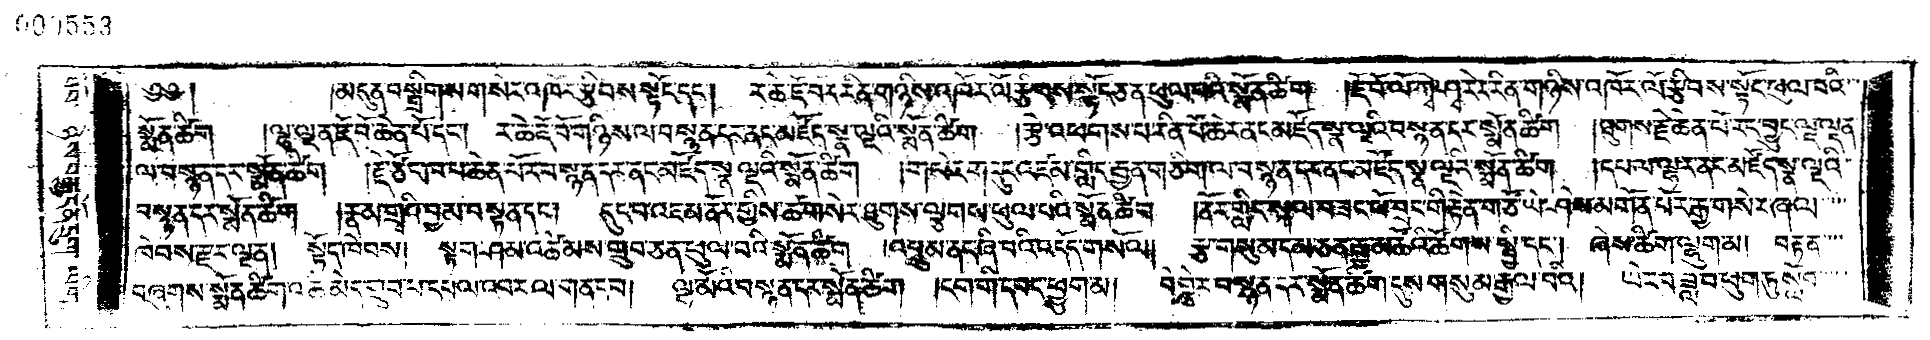༄༅། །མདུན་བསྒྲིགས་གསེར་འཁོར་རྩིབས་སྟོང་དང་། ར་ཆེ་ཇོ་བོར་རིན་གཉིས་འཁོར་ལོ་རྩིབས་སྟོང་ཅན་ཕུལ་བའི་སྨོན་ཚིག །ཇོ་བོ་ལོ་ཀྭེ་ཤྭ་རེར་རིན་གཉིས་འཁོར་ལོ་ཙིབས་སྟོང་ཕུལ་བའི་
སྨོན་ཚིག །ལྷ་ལྡན་ཇོ་བོ་ཆེན་པོ་དང་། ར་ཆེ་ཇོ་བོ་གཉིས་ལ་བསྙན་དར་ནང་མཛོད་སྣ་ལྔའི་སྨོན་ཚིག །རྩེ་འཕགས་པ་རིན་པོ་ཆེར་ནང་མཛོད་སྣ་ལྔའི་བསྙན་དར་སྨོན་ཚིག །ཐུགས་རྗེ་ཆེན་པོ་རང་བྱུང་ལྔ་ལྡན་
ལ་བསྙན་དར་སྨོན་ཚིག །རྗེ་ཙོང་ཁ་པ་ཆེན་པོར་བསྙན་དར་ནང་མཛོད་སྣ་ལྔའི་སྨོན་ཚིག །གསེར་གདུང་འཛམ་གླིང་རྒྱན་གཅིག་ལ་བསྙན་དར་ནང་མཛོད་སྣ་ལྔའི་སྨོན་ཚིག །དཔལ་ལྷར་ནང་མཛོད་སྣ་ལྔའི་
བསྙན་དར་སྨོན་ཚིག །རྣམ་གྲྭའི་བྱམ་བསྟན་དང་། དུང་བ་འཇམ་ནོར་གྱིས་ཚ་གསེར་ཐུགས་ལྕགས་ཕུལ་བའི་སྨོན་ཚིག །ནོར་གླིང་སྐལ་བཟང་ཕོ་བྲང་གི་རྟེན་གཙོ་ཡེ་ཤེས་མགོན་པོར་རྒྱ་གསེར་ཞལ་
ཁེབས་རྫར་ལྔན། སྟོད་ཁེབས། སྟག་ཤམ་འཚེམས་གྲུབ་ཅན་ཕུལ་བའི་སྨོན་ཚིག །འཕྲུམ་ནང་ཞི་བའི་འདོད་གསོལ། རྩ་གསུམ་དམ་ཅན་རྒྱ་མཚོའི་ཚོགས་སྤྱི་དང་། ཞེས་ཚིག་ལྷུག་མ། བརྟན་
བཞུགས་སྨོན་ཚིག་འཆི་མེད་གྲུབ་པ་དཔལ་འབར་ལ་གནང་བ། ལྷ་མོའི་བསྙན་དར་སྨོན་ཚིག །ངག་གི་དབང་ཕྱུག་མ། བེགཅེར་བསྙན་དར་སྨོན་ཚིག་དུས་གསུམ་རྒྱལ་བའི། ཡེར་བ་ཟླ་བ་ཕུག་ཏུ་སློབ་